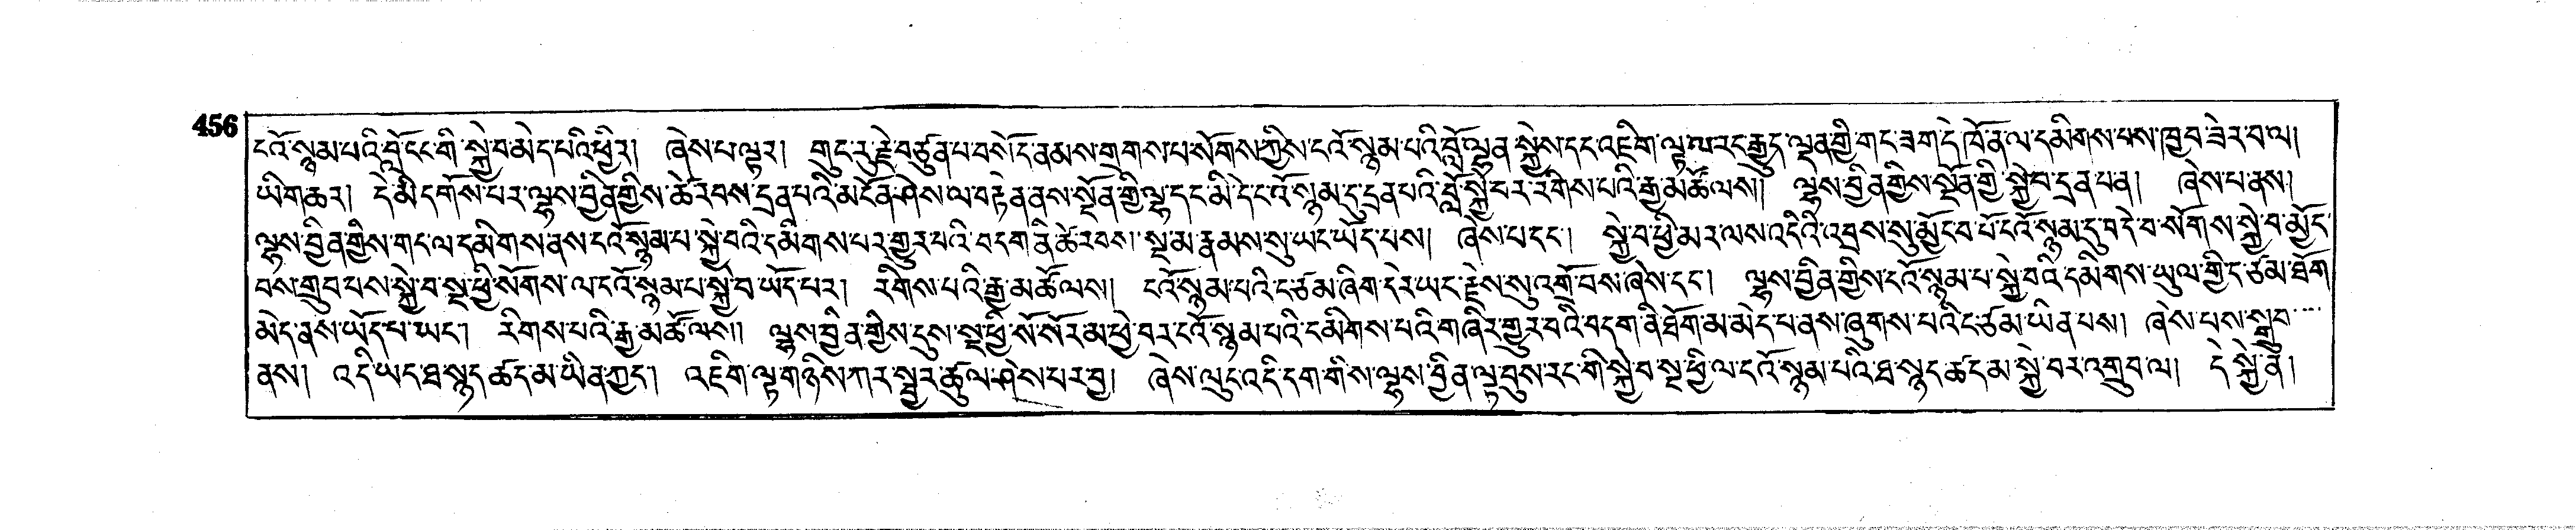ངའོ་སྙམ་པའི་བློ་དང་གི་སྐྱེ་བ་མེད་པའི་ཕྱིར། ཞེས་པ་ལྟར། གུང་རུ་རྗེ་བཙུན་པ་བསོད་ནམས་གྲགས་པ་སོགས་ཀྱིས་ངའོ་སྙམ་པའི་བློ་ལྷན་སྐྱེས་དང་འཇིག་ལྟ་ལ་རང་རྒྱུད་ལྡན་གྱི་གང་ཟག་དེ་ཁོ་ན་ལ་དམིགས་པས་ཁྱབ་ཟེར་བ་ལ།
ཡིག་ཆར། དེ་མི་དགོས་པར་ལྷས་བྱིན་གྱིས་ཚེ་རབས་དྲན་པའི་མངོན་ཤེས་ལ་བརྟེན་ནས་སྔོན་གྱི་ལྷ་དང་མི་དེ་ང་འོ་སྙམ་དུ་དྲན་པའི་བློ་སྐྱེ་བར་རིགས་པའི་རྒྱ་མཚོ་ལས། ལྷས་བྱིན་གྱིས་སྔོན་གྱི་སྐྱེ་བ་དྲན་པ་ན། ཞེས་པ་ནས།
ལྷས་བྱིན་གྱིས་གང་ལ་དམིགས་ནས་ངའོ་སྙམ་པ་སྐྱེ་བའི་དམིགས་པར་གྱུར་པའི་བདག་ནི་ཚེ་རབས་སྔ་མ་རྣམས་སུ་ཡང་ཡོད་པས། ཞེས་པ་དང་། སྐྱེ་བ་ཕྱི་མར་ལས་འདིའི་འབྲས་སུ་མྱོང་བ་པོ་ངའོ་སྙམ་དུ་བདེ་བ་སོགས་སྐྱེ་བ་མྱོང་
བས་གྲུབ་པས་སྐྱེ་བ་སྔ་ཕྱི་སོགས་ལ་ངའོ་སྙམ་པ་སྐྱེ་བ་ཡོད་པར། རིགས་པའི་རྒྱ་མཚོ་ལས། ངའོ་སྙམ་པའི་ང་ཙམ་ཞིག་དེར་ཡང་རྗེས་སུ་འགྲོ་བས་ཞེས་དང་། ལྷས་བྱིན་གྱིས་ངའོ་སྙམ་པ་སྐྱེ་བའི་དམིགས་ཡུལ་གྱི་ང་ཙམ་ཐོག་
མེད་ནས་ཡོད་པ་ཡང་། རིགས་པའི་རྒྱ་མཚོ་ལས། ལྷས་བྱིན་གྱིས་དུས་སྔ་ཕྱི་སོ་སོར་མ་ཕྱེ་བར་ངའོ་སྙམ་པའི་དམིགས་པའི་གཞིར་གྱུར་བའི་བདག་ནི་ཐོག་མ་མེད་པ་ནས་ཞུགས་པའི་ང་ཙམ་ཡིན་པས། ཞེས་པས་སྒྲུབ་
ནས། འདི་ཡང་ཐ་སྙད་ཚད་མ་ཡིན་ཀྱང་། འཇིག་ལྟ་གཉིས་ཀར་སྦྱར་ཚུལ་ཤེས་པར་བྱ། ཞེས་ལུང་འདི་དག་གིས་ལྷས་བྱིན་ལྟ་བུས་རང་གི་སྐྱེ་བ་སྔ་ཕྱི་ལ་ངའོ་སྙམ་པའི་ཐ་སྙད་ཚད་མ་སྐྱེ་བར་འགྲུབ་ལ། དེ་སྐྱེ་ན།